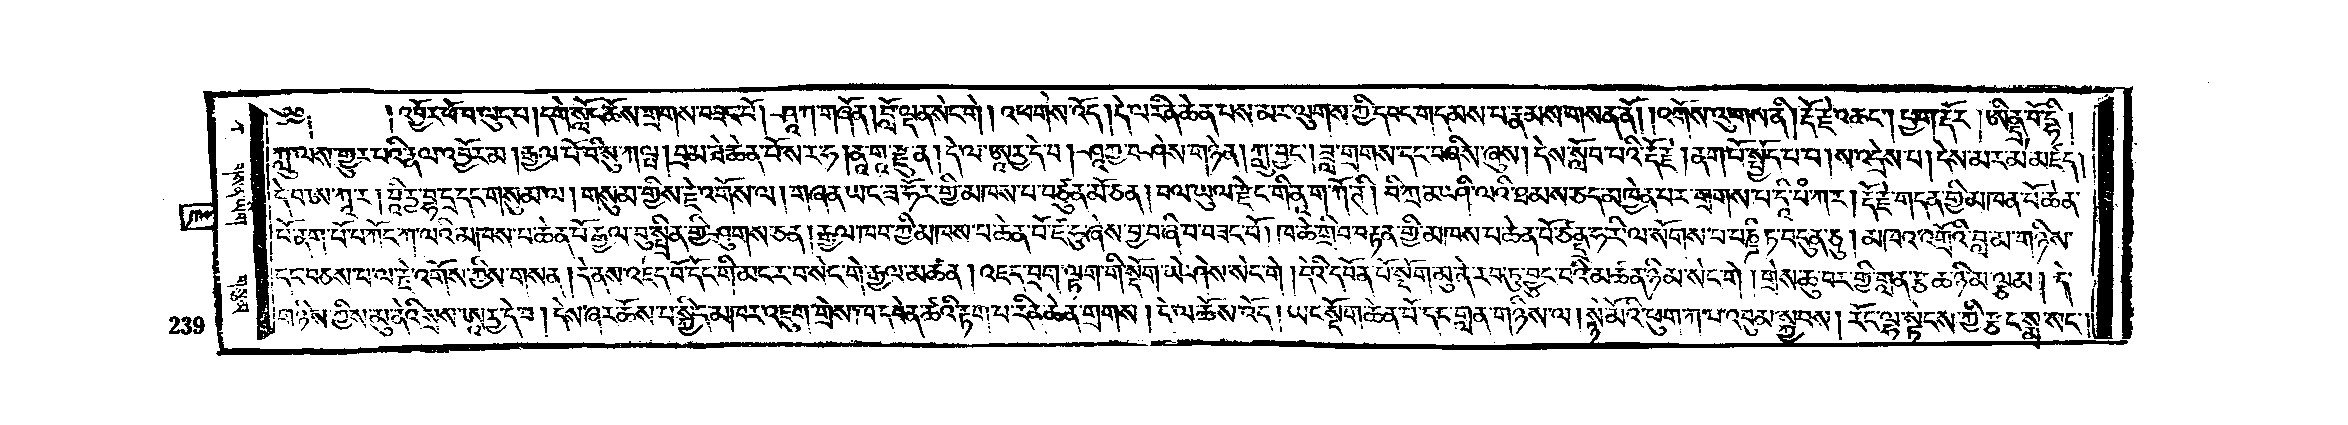༄༅། །འབྱོར་ཕོ་བ་ལུང་པ། དགེ་སློང་ཆོས་གྲགས་བཟང་པོ། ཤཱཀ་གཞོན། བློ་ལྡན་སེང་གེ། འཕགས་འོད། དེ་ལ་རིན་ཆེན་པས་མར་ལུགས་ཀྱི་དབང་གདམས་པ་རྣམས་གསན་ནོ། །འགོས་ལུགས་ནི། རྡོ་རྗེ་འཆང་། ཕྱག་རྡོར། ཨིནྡྲ་བོ་དྷི།
ཀླུ་ལས་གྱུར་པའི་རྣལ་འབྱོར་མ། རྒྱལ་པོ་བི་སུ་ཀལྤ། བྲམ་ཟེ་ཆེན་པོ་ས་ར་ཧ། ནཱ་གཱ་རྫུ་ན། དེ་ལ་ཨའརཡ་དེ་པ། ཤཱཀྱ་བཤེས་གཉེན། ཀླུ་བྱང་། ཟླ་གྲགས་དང་བཞིས་ཞུས། དེས་སློབ་པའི་རྡོ་རྗེ། ནག་པོ་སྤྱོད་པ་བ། ས་འདྲེས་པ། དེས་མར་མེ་མཛད།
དེ་བ་ཨ་ཀཱ་ར། བཱིཡ་བྷ་དྲ་དང་གསུམ་ལ། གསུམ་གྱིས་རྗེ་འགོས་ལ། གཞན་ཡང་ཟ་ཧོར་གྱི་མཁས་པ་བཙུན་མོ་ཅན། བལ་ཡུལ་རྫེང་གི་ནཱ་ག་ཀོ་ཊི། བི་ཀྲ་མ་ཤི་ལའི་ཐམས་ཅད་མཁྱེན་པར་གྲགས་པ་དཱི་པཾ་ཀ་ར། རྡོ་རྗེ་གདན་གྱི་མཁན་པོ་ཆེན་
པོ་ནག་པོ་པ་ཀོང་ཀ་ལའི་མཁས་པ་ཆེན་པོ་རྒྱལ་བུ་སྤྲིན་གྱི་ཤུགས་ཅན། རྒྱལ་ཁབ་ཀྱི་མཁས་པ་ཆེན་པོ་ཛ་ཧུ་ཞེས་བྱ་བ་ཞི་བ་བཟང་པོ། ཁ་ཆེ་གྲིབ་བརྟན་གྱི་མཁས་པ་ཆེན་པོ་ཙནྡྲ་ཧ་རི་ལ་སོགས་པ་པཎྜི་ཏ་བདུན་ཅུ། མཁའ་འགྲོའི་བླ་མ་གཉིས་
དང་བཅས་པ་ལ་རྗེ་འགོས་ཀྱིས་གསན། དེ་ནས་འཇད་བོ་དོང་གི་མངར་བ་སེང་གེ་རྒྱལ་མཚན། འཇད་བྲག་ལྟག་གི་སྡོག་ཡེ་ཤེས་སེང་གེ །དེའི་དཔོན་པོ་སྡོག་མུ་ནེ་རབ་ཏུ་བྱུང་བའི་མཚན་ཉི་མ་སེང་གེ །གྲེས་ཆུ་བར་གྱི་གླན་རྩ་ཆ་ཉི་མ་ལྕམ། དེ་
གཉིས་ཀྱིས་མུ་ནེའི་སྲས་ཨའརཡ་དེ་བ། དེས་ཞར་ཆོས་པ་སྐྱིད་མཁར་འཇུག་གྲེས་ཁ་དབེན་ཚའི་རྟག་པ་རིན་ཆེན་གྲགས། དེ་ལ་ཆོས་འོད། ཡང་སྡོག་ཆེན་པོ་དང་གླན་གཉིས་ལ། སྙེ་མོའི་ཕུག་ཀ་པ་འབུམ་སྐྱབས། རོང་ལྷ་སྟེངས་ཀྱི་རྩང་སྨྲ་སང་།